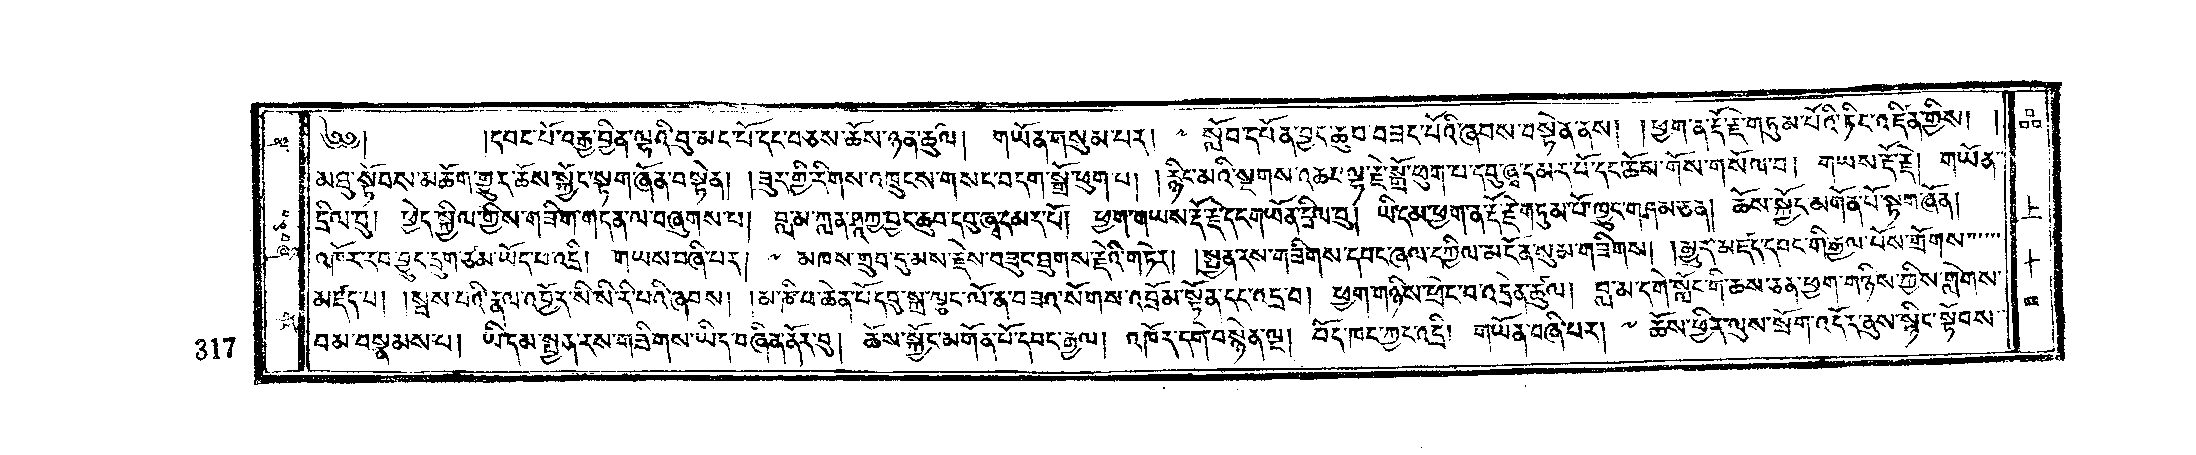༄༅། །དབང་པོ་བརྒྱ་བྱིན་ལྷའི་བུ་མང་པོ་དང་བཅས་ཆོས་ཉན་ཚུལ། གཡོན་གསུམ་པར། སློབ་དཔོན་བྱང་ཆུབ་བཟང་པོའི་ཞབས་བསྟེན་ནས། །ཕྱག་ན་རྡོ་རྗེ་གཏུམ་པོའི་ཏིང་འཛིན་གྱིས། །
མཐུ་སྟོབས་མཆོག་གྱུར་ཆོས་སྐྱོང་སྟག་ཞོན་བསྟེན། །ཟུར་གྱི་རིགས་འཁྲུངས་གསང་བདག་སྒྲོ་ཕུག་པ། །རྙིང་མའི་སྔགས་འཆང་ལྷ་རྗེ་སྒྲོ་ཕུག་པ་དབུ་ཞྭ་དམར་པོ་དང་ཆོས་གོས་གསོལ་བ། གཡས་རྡོ་རྗེ། གཡོན་
དྲིལ་བུ། ཕྱེད་སྐྱིལ་གྱིས་གཟིག་གདན་ལ་བཞུགས་པ། བླ་མ་ཀླན་ཤཱཀྱ་བྱང་ཆུབ་དབུ་ཞྭ་དམར་པོ། ཕྱག་གཡས་རྡོ་རྗེ་དང་གཡོན་དྲིལ་བུ། ཡི་དམ་ཕྱག་ན་རྡོ་རྗེ་གཏུམ་པོ་ཁྱུང་གཤམ་ཅན། ཆོས་སྐྱོང་མགོན་པོ་སྟག་ཞོན།
འཁོར་རབ་བྱུང་དྲུག་ཙམ་ཡོད་པ་འདྲི། གཡས་བཞི་པར། ༧་མཁས་གྲུབ་དུ་མས་རྗེས་བཟུང་ཐུགས་རྗེའི་གཏེར། །སྤྱན་རས་གཟིགས་དབང་ཞལ་དཀྱིལ་མངོན་སུམ་གཟིགས། །མྱུར་མཛད་དབང་གི་རྒྱལ་པོས་གྲོགས་
མཛད་པ། །སྦས་པའི་རྣལ་འབྱོར་སི་སི་རི་པའི་ཞབས། །མ་ཎི་པ་ཆེན་པོ་དབུ་སྐྲ་ལྕང་ལོ་ན་བཟའ་སོགས་འབྲོམ་སྟོན་དང་འདྲ་བ། ཕྱག་གཉིས་ཕྲེང་བ་འདྲེན་ཚུལ། བླ་མ་དགེ་སློང་གི་ཆས་ཅན་ཕྱག་གཉིས་ཀྱིས་གླེགས་
བམ་བསྣམས་པ། ཡི་དམ་སྤྱན་རས་གཟིགས་ཡིད་བཞིན་ནོར་བུ། ཆོས་སྐྱོང་མགོན་པོ་དབང་རྒྱལ། འཁོར་དགེ་བསྙེན་ལྔ། བོད་ཁང་ཀྱང་འདྲི། གཡོན་བཞི་པར། ༧་ཆོས་ཕྱིར་ལུས་སྲོག་འདོར་ནུས་སྙིང་སྟོབས་